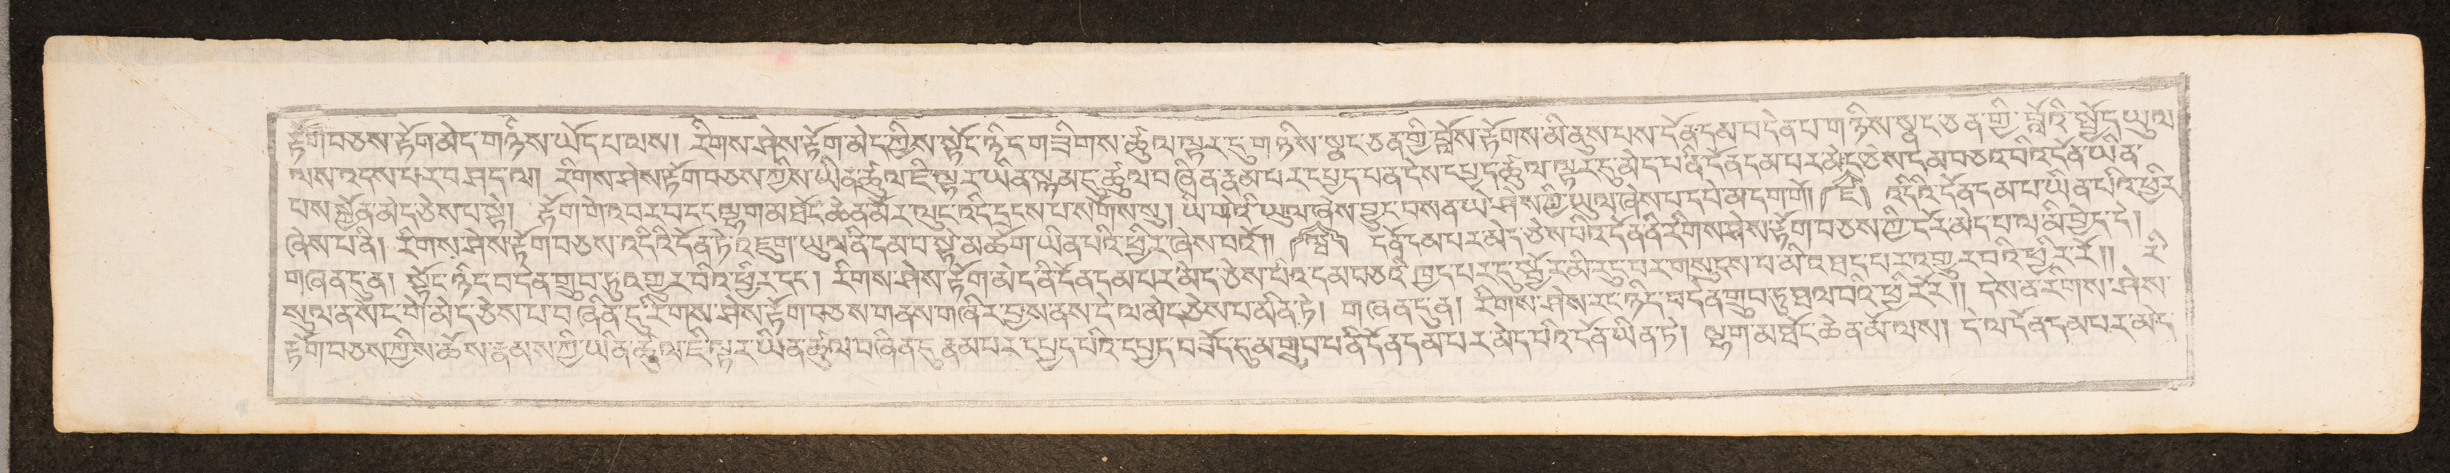རྟོག་བཅས་རྟོག་མེད་གཉིས་ཡོད་པ་ལས། རིགས་ཤེས་རྟོག་མེད་ཀྱིས་སྟོང་ཉིད་གཟིགས་ཚུལ་ལྟར་དུ་གཉིས་སྣང་ཅན་གྱི་བློས་རྟོགས་མི་ནུས་པས་དོན་དམ་བདེན་པ་གཉིས་སྣང་ཅན་ཀྱི་བློའི་སྤྱོད་ཡུལ་
ལས་འདས་པར་བཤད་ལ། རིགས་ཤེས་རྟོག་བཅས་ཀྱིས་ཡིན་ཚུལ་ཇི་ལྟར་ཡིན་སྙམ་དུ་ཚུལ་བཞིན་རྣམས་པར་དཔྱད་པ་ན་དེས་དཔྱད་ཚུལ་ལྟར་དུ་མེད་པ་ནི་དོན་དམ་པར་མེད་ཅེས་དམ་བཅའ་བའི་དོན་ཡིན་
པས་སྐྱོན་མེད་ཅེས་པ་སྟེ། རྟོག་གེ་འབར་བ་དང་ལྷག་མཐོང་ཆེན་མོར་ལུང་འདི་དྲངས་པ་སོགས་སུ། ཡི་གེའི་ཡུལ་ཞེས་བྱུང་བས་ན་ཡེ་ཤེས་ཀྱི་ཡུལ་ཞེས་པ་དཔེ་མ་དག་གོ། ༼༽ཛ༼༽ འདིའི་དོན་དམ་པ་ཡིན་པའི་ཕྱིར་
ཞེས་པ་ནི། རིགས་ཤེས་རྟོག་བཅས་འདིའི་དོན་ཏེ་འཇུག་ཡུལ་ནི་དམ་པ་སྟེ་མཆོག་ཡིན་པའི་ཕྱིར་ཞེས་པའོ།། ༼༽ཝ༼༽ དོན་དམ་པར་མེད་ཅེས་པའི་དོན་ནི་རིགས་ཤེས་རྟོག་བཅས་ཀྱི་དོར་མེད་པ་ལ་མི་བྱེད་དེ།
གཞན་དུ་ན། སྟོང་ཉིད་བདེན་གྲུབ་ཏུ་འགྱུར་བའི་ཕྱིར་དང་། རིགས་ཤེས་རྟོག་མེད་ནི་དམ་པ་མེད་ཅེས་པ་འི་དམ་བཅའ་ཁྱད་པར་དུ་སྦྱོར་ཨི་རུང་བར་གསུགནས་པ་མི་འཐད་པར་འགྱུར་པའི་ཕྱིར་རོ།། རི་
སུལ་ན་སེང་གི་མེད་ཅེས་པ་བཞིན་དུ་རིས་ཤེས་རྟོག་བཅས་གནས་གཞིར་བྱས་ནས་དེ་ལ་མེད་ཅེས་པ་མིན་ཏེ། གཞན་དུ་ན། རིགས་ཤེས་རང་ཉིད་བདེན་གྲུབ་ཏུ་ཐལ་བའི་ཕྱིར་རོ། །དེས་ན་རིགས་ཤེས་རྟོག་
བཅས་ཀྱི་ཆོས་རྣམས་ཀྱི་ཡིན་ཚུལ་ཇི་ལྟར་ཡིན་ཚུལ་བཞིན་དུ་རྣམ་པར་དཔྱད་པའི་དཔྱད་བཟོད་དུ་མ་གྲུབ་པ་ནི་དོན་དམ་པར་མེད་པའི་དོན་ཡིན་ཏེ། །ལྷག་མཐོང་ཆེན་མོ་ལས། །དེ་ལ་དོན་དམ་པར་མེད་